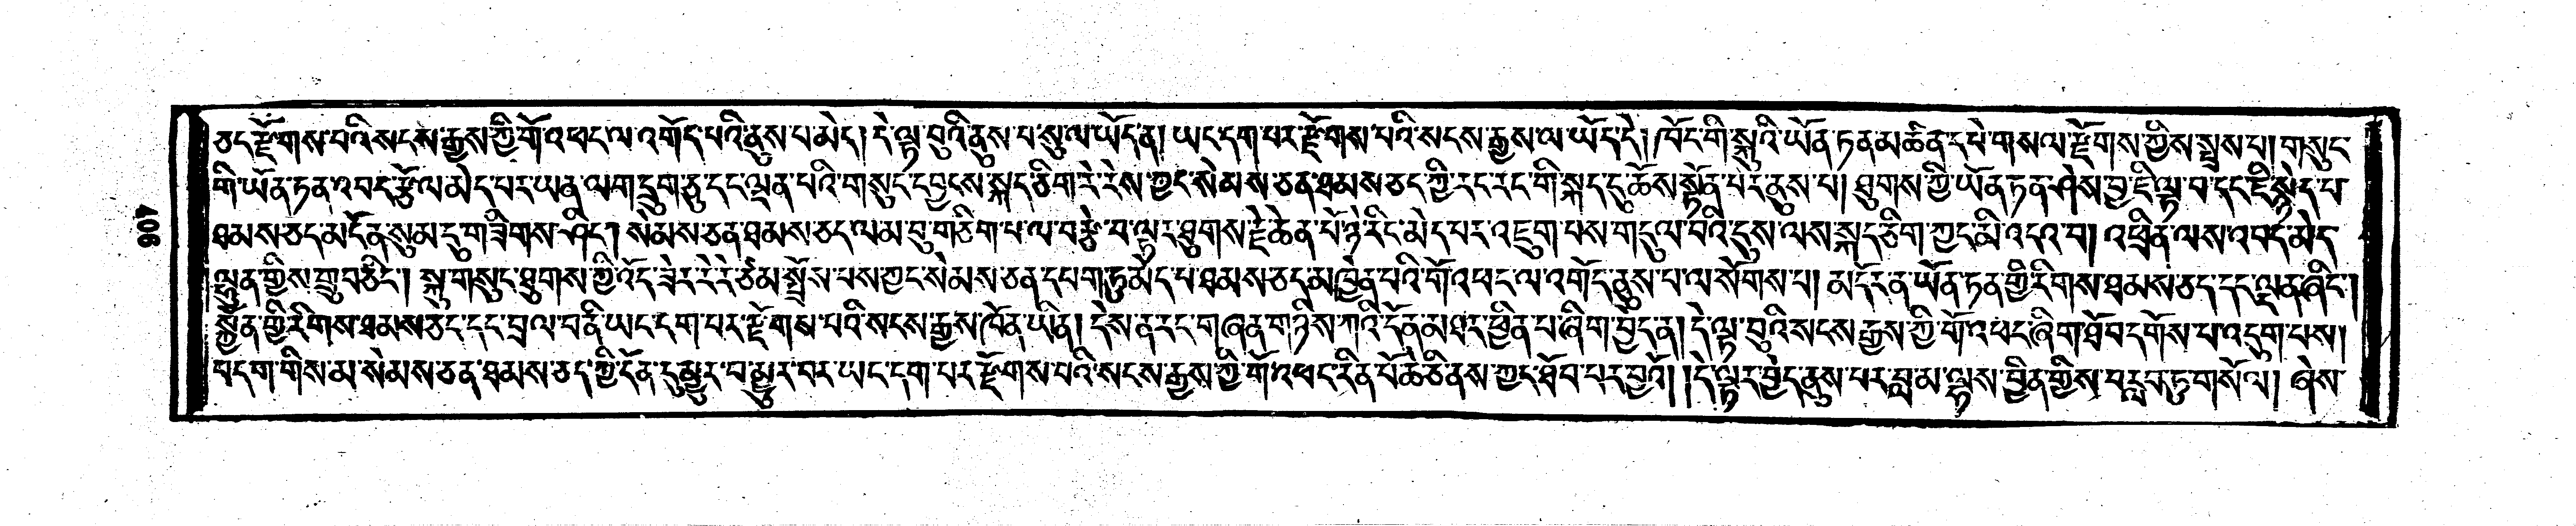ཅད་རྫོགས་པའི་སངས་རྒྱས་ཀྱི་གོ་འཕང་ལ་འགོད་པའི་ནུས་པ་མེད། དེ་ལྟ་བུའི་ནུས་པ་སུ་ལ་ཡོད་ན། ཡང་དག་པར་རྫོགས་པའི་སངས་རྒྱས་ལ་ཡོད་དེ། ཁོང་གི་སྐུའི་ཡོན་ཏན་མཚན་དཔེ་གསལ་རྫོགས་ཀྱིས་སྤྲས་པ། གསུང་
གི་ཡོན་ཏན་འབད་རྩོལ་མེད་པར་ཡན་ལག་དྲུག་ཅུ་དང་ལྡན་པའི་གསུང་དབྱངས་སྐད་ཅིག་རེ་རེས་ཀྱང་སེམས་ཅན་ཐམས་ཅད་ཀྱི་རང་རང་གི་སྐད་དུ་ཆོས་སྟོན་པར་ནུས་པ། ཐུགས་ཀྱི་ཡོན་ཏན་ཤེས་བྱ་ཇི་ལྟ་བ་དང་ཇི་སྙེད་པ་
ཐམས་ཅད་མངོན་སུམ་དུ་གཟིགས་ཤིང་། སེམས་ཅན་ཐམས་ཅད་ལ་མ་བུ་གཅིག་པ་ལ་བརྩེ་བ་ལྟར་ཐུགས་རྗེ་ཆེན་པོ་ཉེ་རིང་མེད་པར་འཇུག་པས་གདུལ་བའི་དུས་ལས་སྐད་ཅིག་ཀྱང་མི་འདའ་བ། འཕྲིན་ལས་འབད་མེད་
ལྷུན་གྱིས་གྲུབ་ཅིང་། སྐུ་གསུང་ཐུགས་ཀྱི་འོད་ཟེར་རེ་རེ་ཙམ་སྤྲོས་པས་ཀྱང་སེམས་ཅན་དཔག་ཏུ་མེད་པ་ཐམས་ཅད་མཁྱེན་པའི་གོ་འཕང་ལ་འགོད་ནུས་པ་ལ་སོགས་པ། མདོར་ན་ཡོན་ཏན་གྱི་རིགས་ཐམས་ཅད་དང་ལྡན་ཞིང་།
སྐྱོན་གྱི་རིགས་ཐམས་ཅད་དང་བྲལ་བ་ནི་ཡང་དག་པར་རྫོགས་པའི་སངས་རྒྱས་ཁོ་ན་ཡིན། དེས་ན་རང་གཞན་གཉིས་ཀའི་དོན་མཐར་ཕྱིན་པ་ཞིག་བྱེད་ན། དེ་ལྟ་བུའི་སངས་རྒྱས་ཀྱི་གོ་འཕང་ཞིག་ཐོབ་དགོས་པ་འདུག་པས།
བདག་གིས་མ་སེམས་ཅན་ཐམས་ཅད་ཀྱི་དོན་དུ་མྱུར་བ་མྱུར་བར་ཡང་དག་པར་རྫོགས་པའི་སངས་རྒྱས་ཀྱི་གོ་འཕང་རིན་པོ་ཆེ་ཅི་ནས་ཀྱང་ཐོབ་པར་བྱའོ། །དེ་ལྟར་བྱེད་ནུས་པར་བླ་མ་ལྷས་བྱིན་གྱིས་བརླབ་ཏུ་གསོལ། ཞེས་